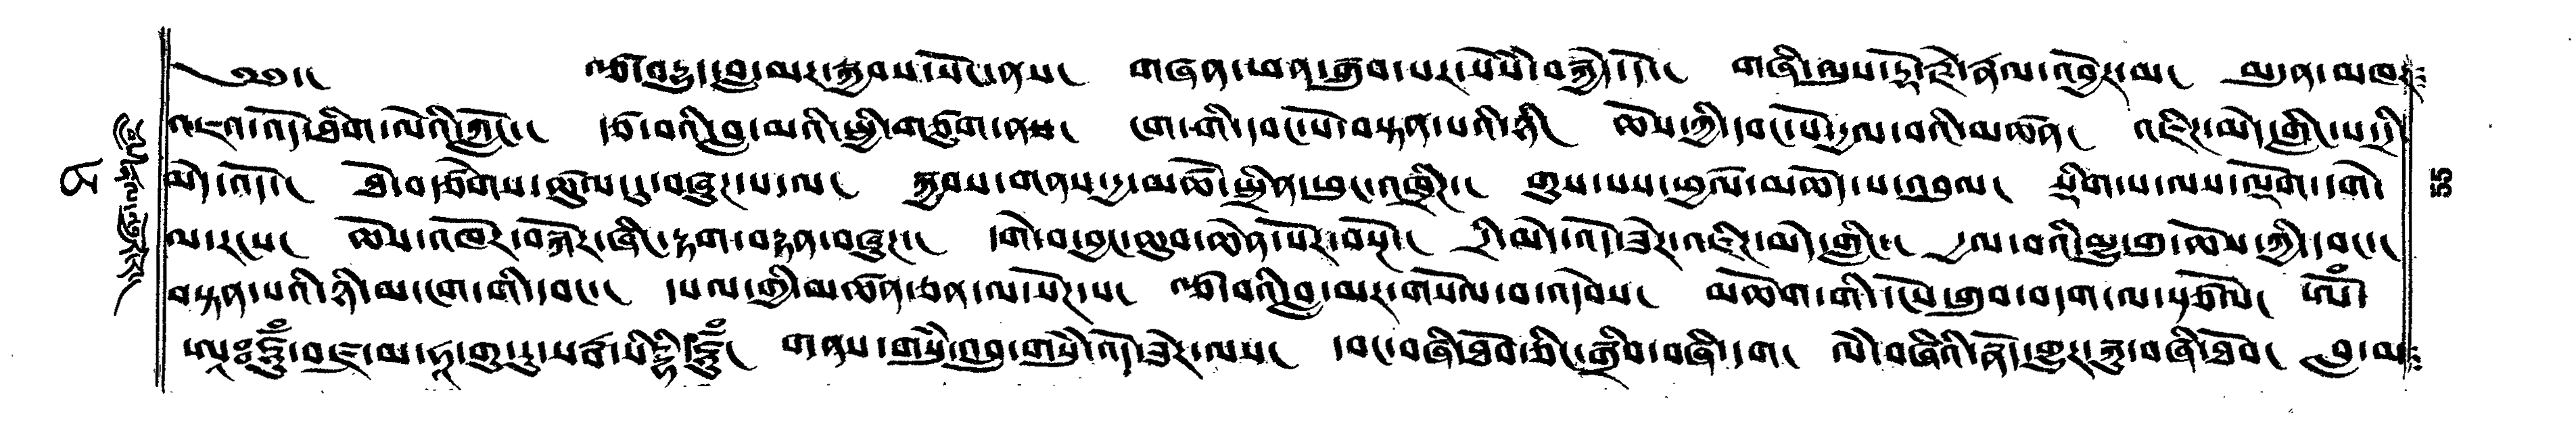༄༅། རྩ་བརྒྱུད་བླ་མར་སྐྱབས་སོང་ནས། །གཞན་ཕན་བསྒྲུབ་པར་སེམས་བསྐྱེད་དོ། །གཞི་ལུས་རྡོ་རྗེ་རྣལ་འབྱོར་མ། །མདུན་མཁར་
འཇའ་འོད་ཐིག་ལེའི་ཀློང་། །རྩ་བའི་བླ་མའི་སྤྱི་གཙུག་ན། །ངག་གི་དབང་པོ་བསྟན་པའི་ཉི། །ཆོས་ཀྱི་དབང་པོ་རྒྱལ་བའི་མཚན། །འཇིགས་མེད་གླིང་པ་དྲི་
མེད་འོད། །ཐོ་བརྩེགས་ཚུལ་དུ་བཞུགས་པ་ལ། །སྐྱབས་གནས་རྒྱ་མཚོ་སྤྲིན་ཕུང་འཁྲིགས། །གུས་པས་ཕྱག་འཚལ་མཆོད་པ་འབུལ། །སྡིག་པ་ལས་ལྡོག་དགེ་
ལ་རངས། །ཆོས་འཁོར་བསྐོར་ཞིང་རྟག་བརྟན་བཞུགས། །དགེ་བ་བྱང་ཆུབ་ཆེན་པོར་བསྔོ། །དྲི་མེད་འོད་ཟེར་འཇིགས་མེད་གླིང་། རྒྱལ་བའི་མྱུ་གུ་ཆོས་ཀྱི་དབང་། །
བསྟན་པའི་ཉི་མ་ངག་གི་དབང་། དཔལ་གྱི་མཚན་ཅན་ལ་སོགས་པ། །རྩ་བའི་བླ་མར་གསོལ་བ་འདེབས། །མཆོག་གི་དངོས་གྲུབ་བདག་ལ་སྩོལ། །ཨོཾ་
ཨཱཿཧཱུྃ་བཛྲ་མ་ཧཱ་གུ་རུ་སརྦ་སིདྡྷི་ཧཱུྃཿ གནས་གསུམ་འབྲུ་གསུམ་འོད་ཟེར་ལས། །དབང་བཞི་ཐོབ་ཅིང་སྒྲིབ་བཞི་དག །ལམ་བཞིའི་སྣོད་གྱུར་སྐུ་བཞི་ཐོབ། །བླ་མ་